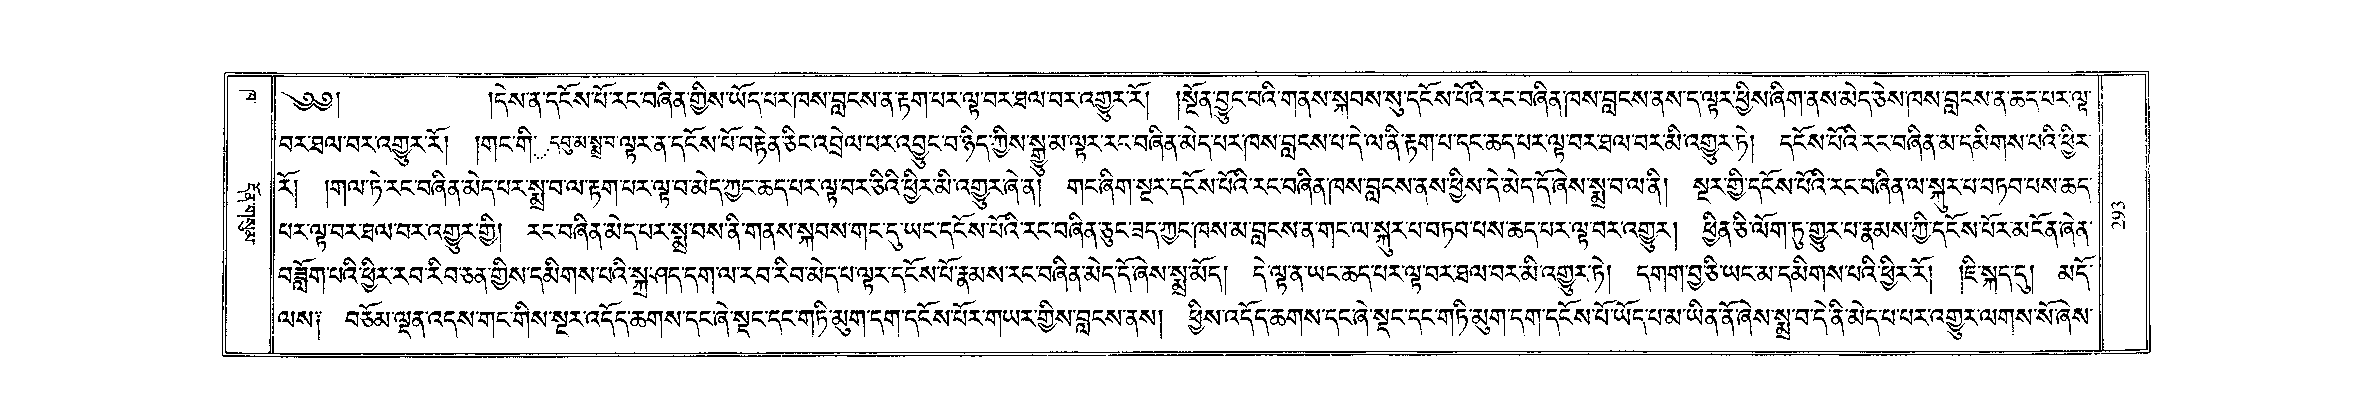༄༅། །དེས་ན་དངོས་པོ་རང་བཞིན་གྱིས་ཡོད་པར་ཁས་བླངས་ན་རྟག་པར་ལྟ་བར་ཐལ་བར་འགྱུར་རོ། །སྔོན་བྱུང་བའི་གནས་སྐབས་སུ་དངོས་པོའི་རང་བཞིན་ཁས་བླངས་ནས་ད་ལྟར་ཕྱིས་ཞིག་ནས་མེད་ཅེས་ཁས་བླངས་ན་ཆད་པར་ལྟ་
བར་ཐལ་བར་འགྱུར་རོ། །གང་གི་དབུ་མ་སྨྲ་བ་ལྟར་ན་དངོས་པོ་བརྟེན་ཅིང་འབྲེལ་པར་འབྱུང་བ་ཉིད་ཀྱིས་སྒྱུ་མ་ལྟར་རང་བཞིན་མེད་པར་ཁས་བླངས་པ་དེ་ལ་ནི་རྟག་པ་དང་ཆད་པར་ལྟ་བར་ཐལ་བར་མི་འགྱུར་ཏེ། དངོས་པོའི་རང་བཞིན་མ་དམིགས་པའི་ཕྱིར་
རོ། །གལ་ཏེ་རང་བཞིན་མེད་པར་སྨྲ་བ་ལ་རྟག་པར་ལྟ་བ་མེད་ཀྱང་ཆད་པར་ལྟ་བར་ཅིའི་ཕྱིར་མི་འགྱུར་ཞེ་ན། གང་ཞིག་སྔར་དངོས་པོའི་རང་བཞིན་ཁས་བླངས་ནས་ཕྱིས་དེ་མེད་དོ་ཞེས་སྨྲ་བ་ལ་ནི། སྔར་གྱི་དངོས་པོའི་རང་བཞིན་ལ་སྐུར་པ་བཏབ་པས་ཆད་
པར་ལྟ་བར་ཐལ་བར་འགྱུར་གྱི། རང་བཞིན་མེད་པར་སྨྲ་བས་ནི་གནས་སྐབས་གང་དུ་ཡང་དངོས་པོའི་རང་བཞིན་ཅུང་ཟད་ཀྱང་ཁས་མ་བླངས་ན་གང་ལ་སྐུར་པ་བཏབ་པས་ཆད་པར་ལྟ་བར་འགྱུར། ཕྱིན་ཅི་ལོག་ཏུ་གྱུར་པ་རྣམས་ཀྱི་དངོས་པོར་མངོན་ཞེ་ན་
བཟློག་པའི་ཕྱིར་རབ་རིབ་ཅན་གྱིས་དམིགས་པའི་སྐྲ་ཤད་དག་ལ་རབ་རིབ་མེད་པ་ལྟར་དངོས་པོ་རྣམས་རང་བཞིན་མེད་དོ་ཞེས་སྨྲ་མོད། དེ་ལྟ་ན་ཡང་ཆད་པར་ལྟ་བར་ཐལ་བར་མི་འགྱུར་ཏེ། དགག་བྱ་ཅི་ཡང་མ་དམིགས་པའི་ཕྱིར་རོ། །ཇི་སྐད་དུ། མདོ་
ལས༑ བཅོམ་ལྡན་འདས་གང་གིས་སྔར་འདོད་ཆགས་དང་ཞེ་སྡང་དང་གཏི་མུག་དག་དངོས་པོར་གཡར་གྱིས་བླངས་ནས། ཕྱིས་འདོད་ཆགས་དང་ཞེ་སྡང་དང་གཏི་མུག་དག་དངོས་པོ་ཡོད་པ་མ་ཡིན་ནོ་ཞེས་སྨྲ་བ་དེ་ནི་མེད་པ་པར་འགྱུར་ལགས་སོ་ཞེས་